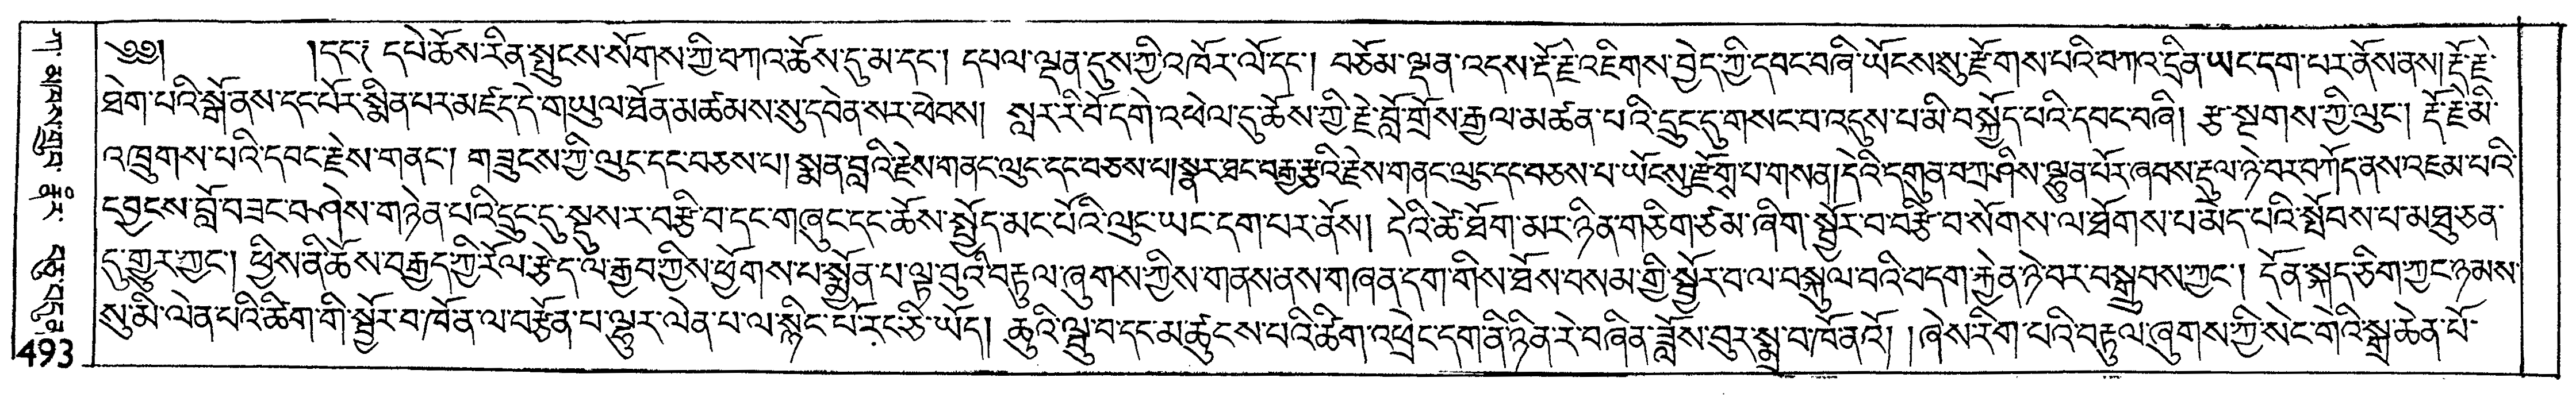༄༅། །དང༑ དཔེ་ཆོས་རིན་སྤུངས་སོགས་ཀྱི་བཀའ་ཆོས་དུ་མ་དང་། དཔལ་ལྡན་དུས་ཀྱི་འཁོར་ལོ་དང་། བཅོམ་ལྡན་འདས་རྡོ་རྗེ་འཇིགས་བྱེད་ཀྱི་དབང་བཞི་ཡོངས་སུ་རྫོགས་པའི་བཀའ་དྲིན་ཡང་དག་པར་ནོས་ནས། རྡོ་རྗེ་
ཐེག་པའི་སྒོ་ནས་དང་པོར་སྨིན་པར་མཛད་དེ་གཡུལ་ཐོན་མཚམས་སུ་དབེན་སར་ཕེབས། སླར་རི་བོ་དགེ་འཕེལ་དུ་ཆོས་ཀྱི་རྗེ་བློ་གྲོས་རྒྱལ་མཚན་པའི་དྲུང་དུ་གསང་བ་འདུས་པ་མི་བསྐྱོད་པའི་དབང་བཞི། རྩ་སྔགས་ཀྱི་ལུང་། རྡོ་རྗེ་མི་
འཁྲུགས་པའི་དབང་རྗེས་གནང་། གཟུངས་ཀྱི་ལུང་དང་བཅས་པ། སྨན་བླའི་རྗེས་གནང་ལུང་དང་བཅས་པ། སྣར་ཐང་བརྒྱ་རྩའི་རྗེས་གནང་ལུང་དང་བཅས་པ་ཡོངས་སུ་རྫོགས་པ་གསན། དེའི་དགུན་བཀྲ་ཤིས་ལྷུན་པོར་ཞབས་རྡུལ་ཉེ་བར་བཀོད་ནས་འཇམ་པའི་
དབྱངས་བློ་བཟང་བཤེས་གཉེན་པའི་དྲུང་དུ་སྡུས་ར་བརྩི་བ་དང་གཞུང་དང་ཆོས་སྤྱོད་མང་པོའི་ལུང་ཡང་དག་པར་ནོས། དེའི་ཚེ་ཐོག་མར་ཉིན་གཅིག་ཙམ་ཞིག་སྦྱོར་བ་བརྩི་བ་སོགས་ལ་ཐོགས་པ་མེད་པའི་སྤོབས་པ་མཐུ་ཅན་
དུ་གྱུར་ཀྱང་། ཕྱིས་ནི་ཆོས་བརྒྱད་ཀྱི་རོལ་རྩེད་ལ་རྒྱབ་ཀྱིས་ཕྱོགས་པ་སྨྱོན་པ་ལྟ་བུའི་བརྟུལ་ཞུགས་ཀྱིས་གནས་ནས་གཞན་དག་གིས་ཐོས་བསམ་གྱི་སྦྱོར་བ་ལ་བསྐུལ་བའི་བདག་རྐྱེན་ཉེ་བར་བསྒྲུབས་ཀྱང་། དོན་སྐད་ཅིག་ཀྱང་ཉམས་
སུ་མི་ལེན་པའི་ཚིག་གི་སྦྱོར་བ་ཁོ་ན་ལ་ལྷུར་ལེན་པ་ལ་སྙིང་པོ་རང་ཅི་ཡོད། ཆུའི་ལྦུ་བ་དང་མཚུངས་པའི་ཚིག་འཕྲེང་དག་ནི་ཉིན་རེ་བཞིན་ཟློས་བུར་སྨྲ་བ་ཁོ་ནའོ། །ཞེས་རིག་པའི་བརྟུལ་ཞུགས་ཀྱི་སེང་གེའི་སྒྲ་ཆེན་པོ་